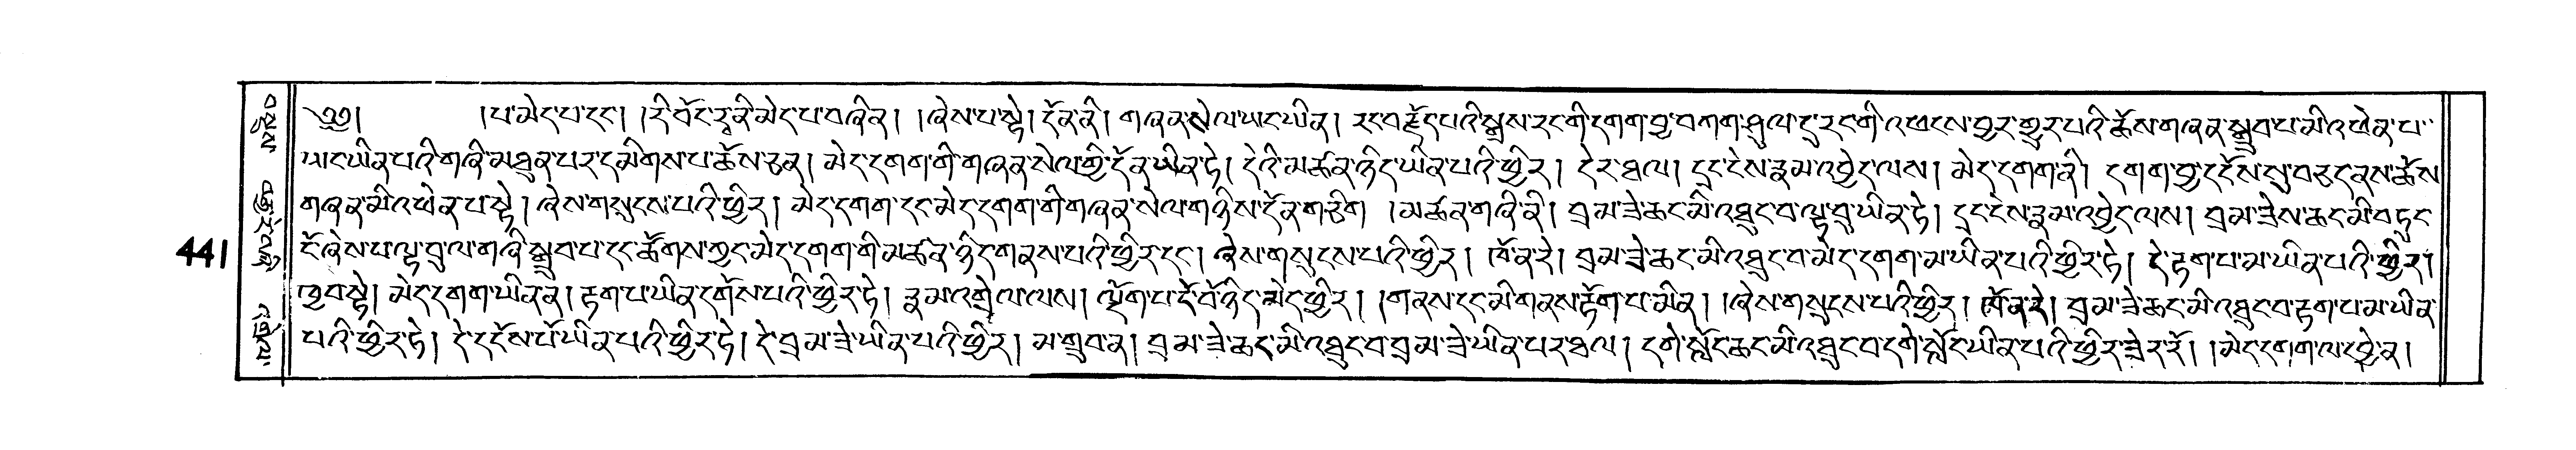༄༅། །པ་མེད་པ་དང་། །རི་བོང་རྭ་ནི་མེད་པ་བཞིན། །ཞེས་པ་སྟེ། དོན་ནི། གཞན་སེལ་ཡང་ཡིན། རང་བརྗོད་པའི་སྒྲས་རང་གི་དགག་བྱ་བཀག་ཤུལ་དུ་རང་གི་འཕངས་བྱང་གྱུར་པའི་ཆོས་གཞན་སྒྲུབ་པ་མི་འཕེན་པ་
ཡང་ཡིན་པའི་གཞི་མཐུན་པར་དམིགས་པ་ཆོས་ཅན། མེད་དགག་གི་གཞན་སེལ་གྱི་དོན་ཡིན་ཏེ། དེའི་མཚན་ཉིད་ཡིན་པའི་ཕྱིར། དེར་ཐལ། དྲང་ངེས་རྣམ་འབྱེད་ལས། མེད་དགག་ནི། དགག་བྱ་དངོས་སུ་བཅད་ནས་ཆོས་
གཞན་མི་འཕེན་པ་སྟེ། ཞེས་གསུངས་པའི་ཕྱིར། མེད་དགག་དང་མེད་དགག་གི་གཞན་སེལ་གཉིས་དོན་གཅིག །མཚན་གཞི་ནི། བྲམ་ཟེ་ཆང་མི་འཐུང་བ་ལྟ་བུ་ཡིན་ཏེ། དྲང་ངེས་རྣམ་འདྱྦེད་ལས། བྲམ་ཟེས་ཆད་མི་བཏུང་
ངོ་ཞེས་པ་ལྟ་བུ་ལ་གཞི་སྒྲུབ་པ་དང་ཚོགས་ཀྱང་མེད་དགག་གི་མཚན་ཉིད་གནས་པའི་ཕྱིར་དང་། ཞེས་གསུངས་པའི་ཕྱིར། ཁོ་ན་རེ། བྲམ་ཟེ་ཆང་མི་འཐུང་བ་མེད་དགག་མ་ཡིན་པའི་ཕྱིར་ཏེ། དེ་རྟག་པ་མ་ཡིན་པའི་ཕྱིར།
ཁྱབ་སྟེ། མེད་དགག་ཡིན་ན། རྟག་པ་ཡིན་དགོས་པའི་ཕྱིར་ཏེ། རྣམ་འགྲེལ་ལས། ལྡོག་པ་ངོ་བོ་ཉིད་མེད་ཕྱིར། །གནས་དང་མི་གནས་རྟོག་པ་མིན། །ཞེས་གསུངས་པའི་ཕྱིར། ཁོ་ན་རེ། བྲམ་ཟེ་ཆང་མི་འཐུང་བ་རྟག་པ་མ་ཡིན་
པའི་ཕྱིར་ཏེ། དེ་དངོས་པོ་ཡིན་པའི་ཕྱིར་ཏེ། དེ་བྲམ་ཟེ་ཡིན་པའི་ཕྱིར། མ་གྲུབ་ན། བྲམ་ཟེ་ཆད་མི་འཐུང་བ་བྲམ་ཟེ་ཡིན་པར་ཐལ། དགེ་སློང་ཆང་མི་འཐུང་བ་དགེ་སློང་ཡིན་པའི་ཕྱིར་ཟེར་རོ། །མེད་དགག་ལ་དབྱེ་ན།